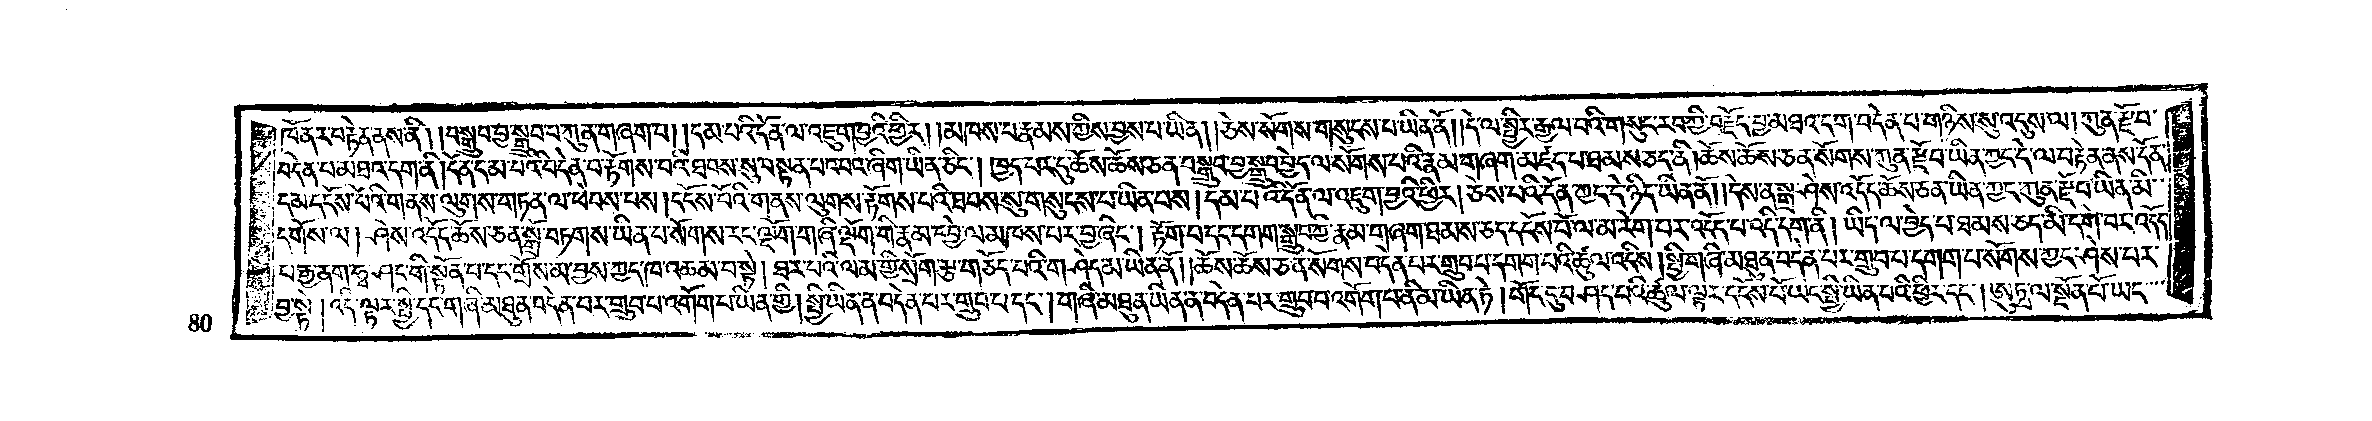ཁོ་ནར་བརྟེན་ནས་ནི། །བསྒྲུབ་བྱ་སྒྲུབ་པ་ཀུན་གཞག་པ། །དམ་པའི་དོན་ལ་འཇུག་བྱའི་ཕྱིར། །མཁས་པ་རྣམས་ཀྱིས་བྱས་པ་ཡིན། །ཅེས་སོགས་གསུངས་པ་ཡིན་ནོ། །དེ་ལ་སྤྱིར་རྒྱལ་བའི་གསུང་རབ་ཀྱི་བརྗོད་བྱ་མཐའ་དག་བདེན་པ་གཉིས་སུ་འདུས་ལ། ཀུན་རྫོབ་
བདེན་པ་མཐའ་དག་ནི། དོན་དམ་པའི་བདེན་པ་རྟོགས་པའི་ཐབས་སུ་བསྟན་པ་འབའ་ཞིག་ཡིན་ཅིང་། ཁྱད་པར་དུ་ཆོས་ཆོས་ཅན་བསྒྲུབ་བྱ་སྒྲུབ་བྱེད་ལ་སོགས་པའི་རྣམ་གཞག་མཛད་པ་ཐམས་ཅད་ནི། ཆོས་ཆོས་ཅན་སོགས་ཀུན་རྫོབ་ཡིན་ཀྱང་དེ་ལ་བརྟེན་ནས་དོན་
དམ་དངོས་པོའི་གནས་ལུགས་གཏན་ལ་ཕེབས་པས། དངོས་པོའི་གནས་ལུགས་རྟོགས་པའི་ཐབས་སུ་གསུངས་པ་ཡིན་པས། དམ་པའི་དོན་ལ་འཇུག་བྱའི་ཕྱིར། ཅེས་པའི་དོན་ཀྱང་དེ་ཉིད་ཡིན་ནོ། །དེས་ན་སྒྲ་ཤེས་འདོད་ཆོས་ཅན་ཡིན་ཀྱང་ཀུན་རྫོབ་ཡིན་མི་
དགོས་ལ། ཤེས་འདོད་ཆོས་ཅན་སྒྲོ་བཏགས་ཡིན་པ་སོགས་རང་ལྡོག་གཞི་ལྡོག་གི་རྣམ་དབྱེ་ལ་མཁས་པར་བྱ་ཞིང་། རྟོག་པ་དང་དགག་སྒྲུབ་ཀྱི་རྣམ་གཞག་ཐམས་ཅད་དངོས་པོ་ལ་མ་རེག་པར་འདོད་པ་འདི་དག་ནི། ཡིད་ལ་བྱེད་པ་ཐམས་ཅད་མི་དགེ་བར་འདོད་
པ་རྒྱ་ནག་ཧྭ་ཤང་གི་སྟོན་པ་དང་གྲོས་མ་བྱས་ཀྱང་ཁ་འཆམ་པ་སྟེ། ཐར་པའི་ལམ་གྱི་སྲོག་རྩ་གཅོད་པའི་གཤེད་མ་ཡིན་ནོ། །ཆོས་ཆོས་ཅན་སོགས་བདེན་པར་གྲུབ་པ་དགག་པའི་ཚུལ་འདིས། སྤྱི་གཞི་མཐུན་བདེན་པར་གྲུབ་པ་དགག་པ་སོགས་ཀྱང་ཤེས་པར་
བྱ་སྟེ། འདི་ལྟར་སྤྱི་དང་གཞི་མཐུན་བདེན་པར་གྲུབ་པ་འགོག་པ་ཡིན་གྱི། སྤྱི་ཡིན་ན་བདེན་པར་གྲུབ་པ་དང་། གཞི་མཐུན་ཡིན་ན་བདེན་པར་གྲུབ་པ་འགོག་པ་ནི་མ་ཡིན་ཏེ། གོང་དུ་བཤད་པའི་ཚུལ་ལྟར་དངོས་པོ་ཡང་སྤྱི་ཡིན་པའི་ཕྱིར་དང་། ཨུཏྤ་ལ་སྔོན་པོ་ཡང་